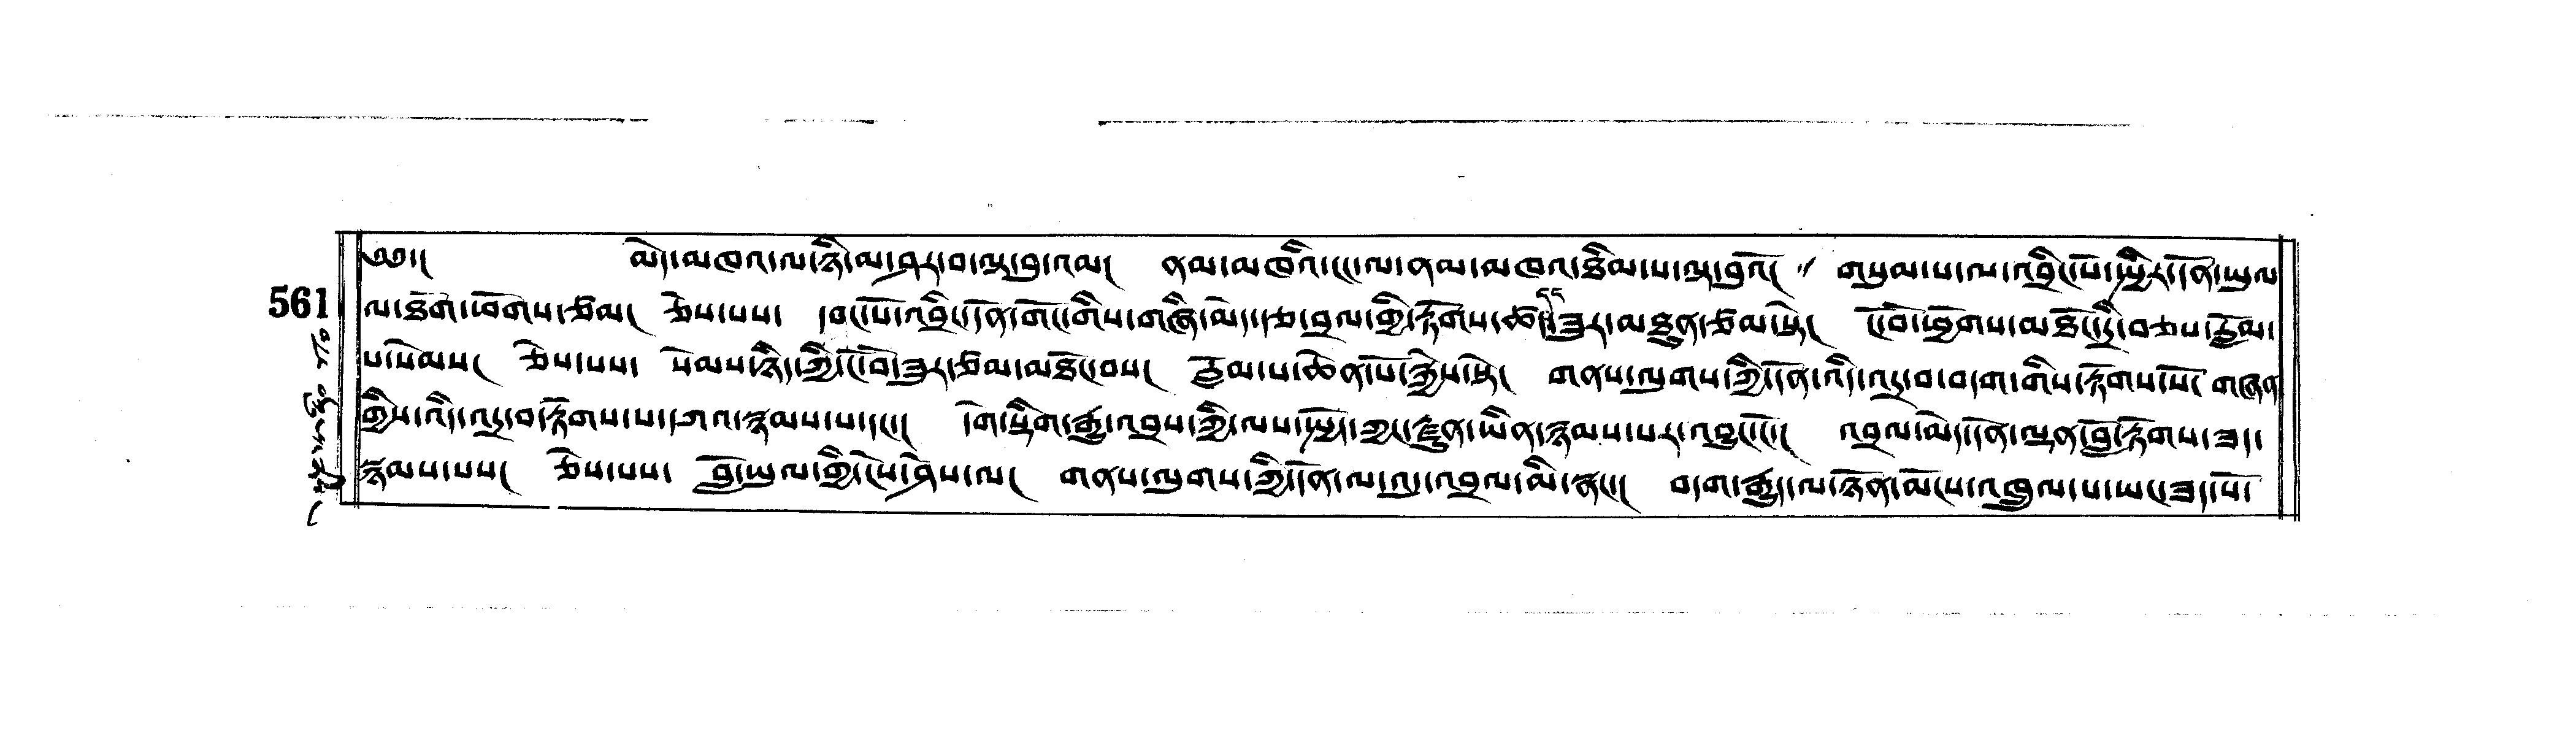མེད་མཁའ་ལ་ཉི་མ་ཤར་བ་ལྟ་བུའམ། ནམ་མཁའི་ངང་ལ་ནམ་མཁའ་ཐིམ་པ་ལྟ་བུའོ། ༧ གསུམ་པ་ལ་འབྲིང་པོ་སྤྱིར་དོན་ཡུལ་
ལ་ཐོག་ཕོག་ཙམ། ཅེས་པས། དབང་པོ་འབྲིང་དོན་གོང་གིས་གཞི་མེད་རྩ་བྲལ་གྱི་རྟོགས་ཚད་དང་ཟུར་མཐུན་ཙམ་སྟེ། ངོ་བོ་ཕྱོགས་མཐོང་དྲི་བཅས་རློམ་
པ་སེམས། ཅེས་པས། སེམས་ཉིད་ཀྱི་ངོ་བོ་ཟུར་ཙམ་མཐོང་བས། རློམ་པ་ཆེན་པོ་སྐྱེས་ཏེ། གནས་ལུགས་ཀྱི་དོན་འདི་འདྲ་བ་བདག་གིས་རྟོགས་སོ། གཞན་
གྱིས་འདི་འདྲ་བ་རྟོགས་པ་དཀའ་སྙམ་པ་དང་། དགེ་སྡིག་རྒྱུ་འབྲས་ཀྱི་ལས་སྤྱོད་ཀྱང་རྫུན་ཡིན་སྙམ་པ་འབྱུང་ངོ་། འབྲལ་མེད་དོན་ལྡན་བློ་རྟོག་ཟད་
སྙམ་པས། ཅེས་པས། བློ་ཡུལ་གྱི་ངེས་ཤེས་ལ། གནས་ལུགས་ཀྱི་དོན་ལ་འདུ་འབྲལ་མི་སྣང་། བདག་རྒྱུད་ལ་ཉོན་མོངས་འཁྲུལ་པ་ཡང་ཟད་དོ་